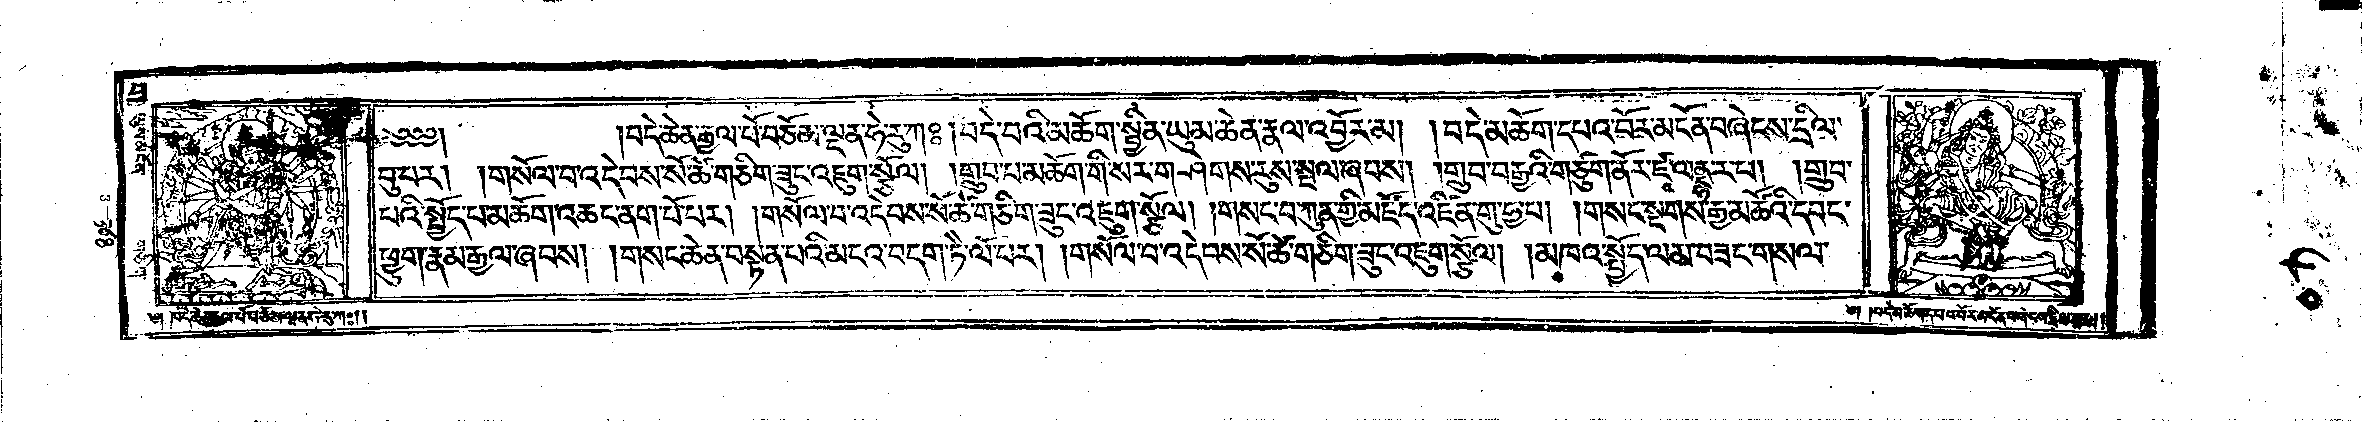༄༅༅། །བདེ་ཆེན་རྒྱལ་པོ་བཅོམ་ལྡན་ཧེ་རུ་ཀཿ །བདེ་བའི་མཆོག་སྦྱིན་ཡུམ་ཆེན་རྣལ་འབྱོར་མ། །བདེ་མཆོག་དཔའ་བོར་མངོན་བཞེངས་དྲིལ་
བུ་པར། །གསོལ་བ་འདེབས་སོ་ཚེ་གཅིག་ཟུང་འཇུག་སྩོལ། །གྲུབ་པ་མཆོག་གི་སར་གཤེགས་རུས་སྦལ་ཞབས། །གྲུབ་བརྒྱའི་གཙུག་ནོར་ཛཱ་ལནྡྷ་ར་པ། །གྲུབ་
པའི་སྤྱོད་པ་མཆོག་འཆང་ནག་པོ་པར། །གསོལ་བ་འདེབས་སོ་ཚེ་གཅིག་ཟུང་འཇུག་སྩོལ། །གསང་བ་ཀུན་གྱི་མཛོད་འཛིན་གུ་ཧྱ་པ། །གསང་སྔགས་རྒྱ་མཚོའི་དབང་
ཕྱུག་རྣམ་རྒྱལ་ཞབས། །གསང་ཆེན་བསྟན་པའི་མངའ་བདག་ཏཻ་ལོ་པར། །གསོལ་བ་འདེབས་སོ་ཚེ་གཅིག་ཟུང་འཇུག་སྩོལ། །མཁའ་སྤྱོད་ལམ་བཟང་གསལ་